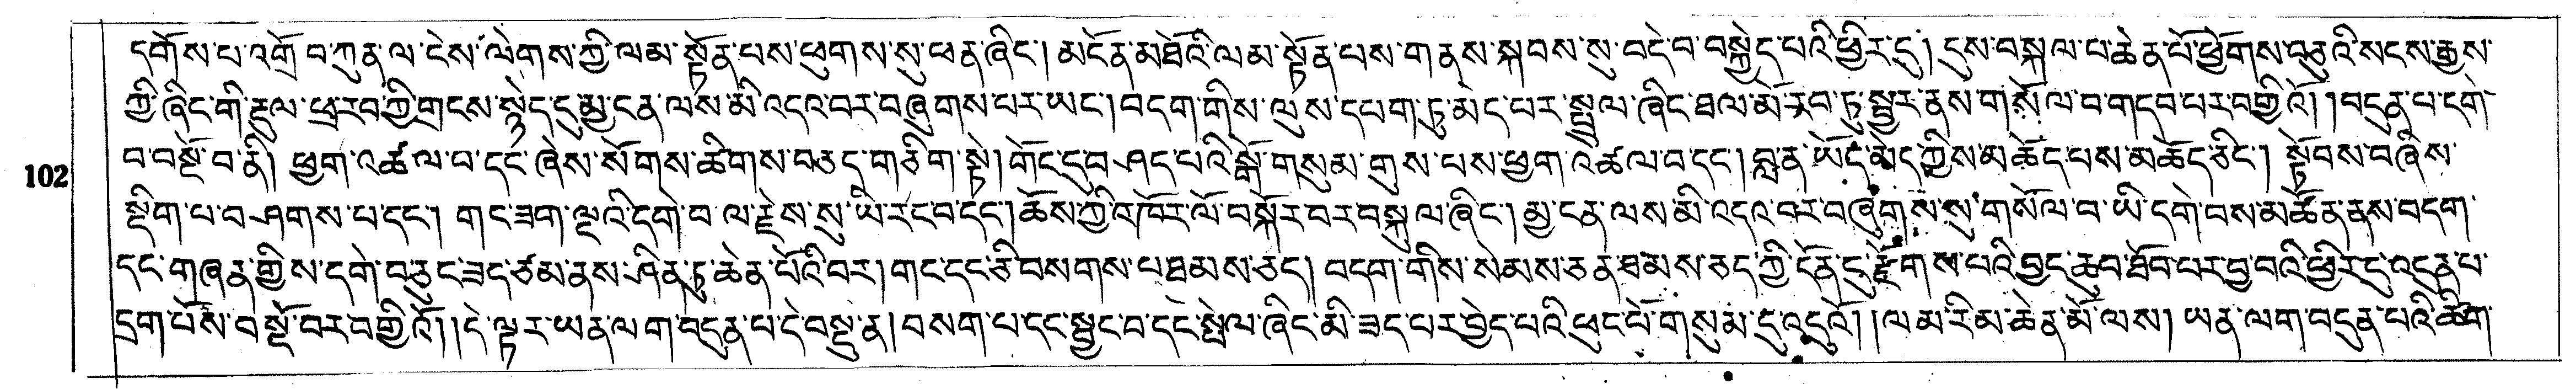དགོས་པ་འགྲོ་བ་ཀུན་ལ་ངེས་ལེགས་ཀྱི་ལམ་སྟོན་པས་ཕུགས་སུ་ཕན་ཞིང་། མངོན་མཐོའི་ལམ་སྟོན་པས་གནས་སྐབས་སུ་བདེ་བ་བསྐྱེད་པའི་ཕྱིར་དུ། དུས་བསྐལ་པ་ཆེན་པོ་ཕྱོགས་བཅུའི་སངས་རྒྱས་
ཀྱི་ཞིང་གི་རྡུལ་ཕྲ་རབ་ཀྱི་གྲངས་སྙེད་དུ་མྱ་ངན་ལས་མི་འདའ་བར་བཞུགས་པར་ཡང་། བདག་གིས་ལུས་དཔག་ཏུ་མེད་པར་སྤྲུལ་ཞིང་ཐལ་མོ་རབ་ཏུ་སྦྱར་ནས་གསོལ་བ་གདབ་པར་བགྱིའོ། །བདུན་པ་དགེ་
བ་བསྔོ་བ་ནི། ཕྱག་འཚལ་བ་དང་ཞེས་སོགས་ཚིགས་བཅད་གཅིག་སྟེ། གོང་དུ་བཤད་པའི་སྒོ་གསུམ་གུས་པས་ཕྱག་འཚལ་བ་དང་། བླ་ན་ཡོད་མེད་ཀྱིས་མཆོད་པས་མཆོད་ཅིང་། སྟོབས་བཞིས་
སྡིག་པ་བཤགས་པ་དང་། གང་ཟག་ལྔའི་དགེ་བ་ལ་རྗེས་སུ་ཡི་རང་བ་དང་། ཆོས་ཀྱི་འཁོར་ལོ་བསྐོར་བར་བསྐུལ་ཞིང་། མྱ་ངན་ལས་མི་འདའ་བར་བཞུགས་སུ་གསོལ་བ་ཡི་དགེ་བས་མཚོན་ནས་བདག་
དང་གཞན་གྱིས་དགེ་བ་ཅུང་ཟད་ཙམ་ནས་ཤིན་ཏུ་ཆེན་པོའི་བར། གང་དང་ཅི་བསགས་པ་ཐམས་ཅད། བདག་གིས་སེམས་ཅན་ཐམས་ཅད་ཀྱི་དོན་དུ་རྫོགས་པའི་བྱང་ཆུབ་ཐོབ་པར་བྱ་བའི་ཕྱིར་དུ་འདུན་པ་
དྲག་པོས་བསྔོ་བར་བགྱིའོ། །དེ་ལྟར་ཡན་ལག་བདུན་པ་དེ་བསྡུ་ན། བསག་པ་དང་སྦྱང་བ་དང་སྤེལ་ཞིང་མི་ཟད་པར་བྱེད་པའི་ཕུང་པོ་གསུམ་དུ་འདུའོ། །ལམ་རིམ་ཆེན་མོ་ལས། ཡན་ལག་བདུན་པའི་ཚིག་